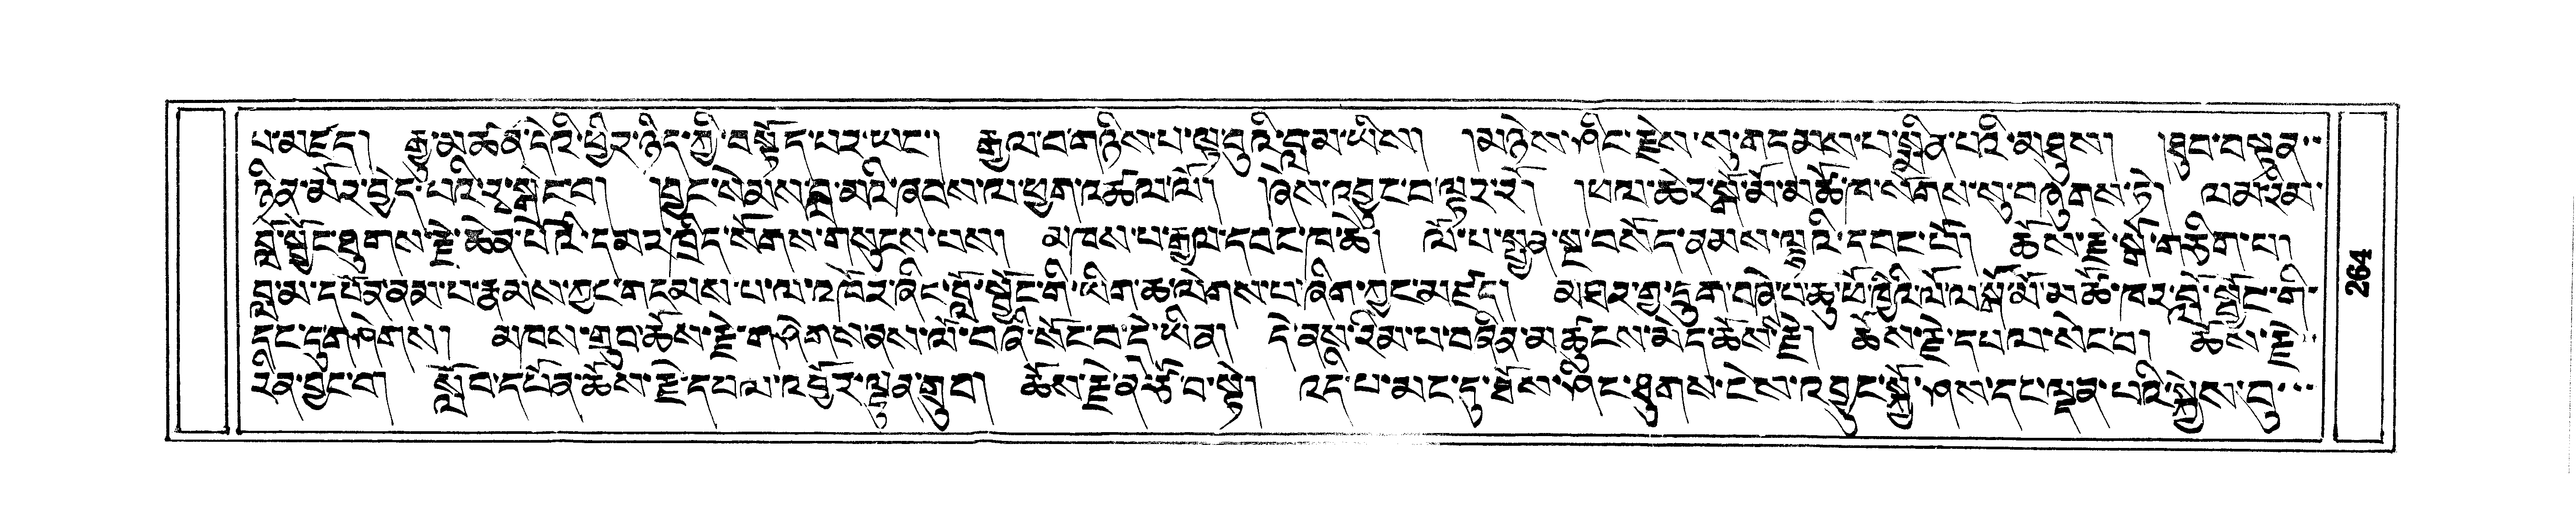པ་མཛད། རྒྱུ་མཚན་དེའི་ཕྱིར་ཉིད་ཀྱི་བསྟོད་པར་ཡང་། རྒྱལ་བ་གཉིས་པ་ལྟ་བུའི་བླ་མ་ཡིས། །མཉེས་ཤིང་རྗེས་སུ་གདམས་པ་སྨིན་པའི་མཐུས། །ཐུབ་བསྟན་
ཉིན་མོར་བྱེད་པའི་རྭ་སྒྲེང་བ། །བྱང་སེམས་བླ་མའི་ཞབས་ལ་ཕྱག་འཚལ་ལོ། །ཞེས་འབྱུང་བ་ལྟར་རོ། །ཕལ་ཆེར་སྒོ་མོ་མཚོ་ཁ་སོགས་སུ་བཞུགས་ཏེ། ལམ་རིམ་
བློ་སྦྱོང་ཐུགས་རྗེ་ཆེན་པོའི་དམར་ཁྲིད་སོགས་གསུངས་པས། མཁས་པ་རྒྱལ་དབང་ཁ་ཆེ། ལོ་པ་སྤྱན་སྔ་བསོད་ནམས་ལྷའི་དབང་པོ། ཆོས་རྗེ་སྒོ་གཅིག་པ།
བླ་མ་དཔོན་ནམ་པ་རྣམས་ཀྱང་གདམས་པ་ལ་འཁོར་ཞིང་བློ་སྦྱོང་གི་ཡིག་ཆ་ལེགས་པ་ཞིག་ཀྱང་མཛད། མཐར་གྱ་དྲུག་བཞེ་པ་ཆུ་ཕོ་ཁྱིའི་ལོ་ལ་སྒོ་མོ་མཚོ་ཁར་བློ་སྦྱོང་གི་
དང་དུ་གཤེགས། མཁས་གྲུབ་ཆོས་རྗེ་གཤེགས་ནས་ལོ་བཞི་སོང་བ་དེ་ཡིན། དེ་ནས་རིམ་པ་བཞིན་མཚུངས་མེད་ཆོས་རྗེ། ཆོས་རྗེ་དཔལ་སེང་བ། ཆོས་རྗེ་
རིན་བྱང་བ། སློབ་དཔོན་ཆོས་རྗེ་དཔལ་འབྱོར་ལྷུན་གྲུབ། ཆོས་རྗེ་ནེ་ཙོ་བ་སྟེ། འདི་པ་མང་དུ་ཐོས་ཤིང་ཐུགས་ངེས་འབྱུང་སྐྱོ་ཤས་དང་ལྡན་པའི་སྐྱེས་བུ་